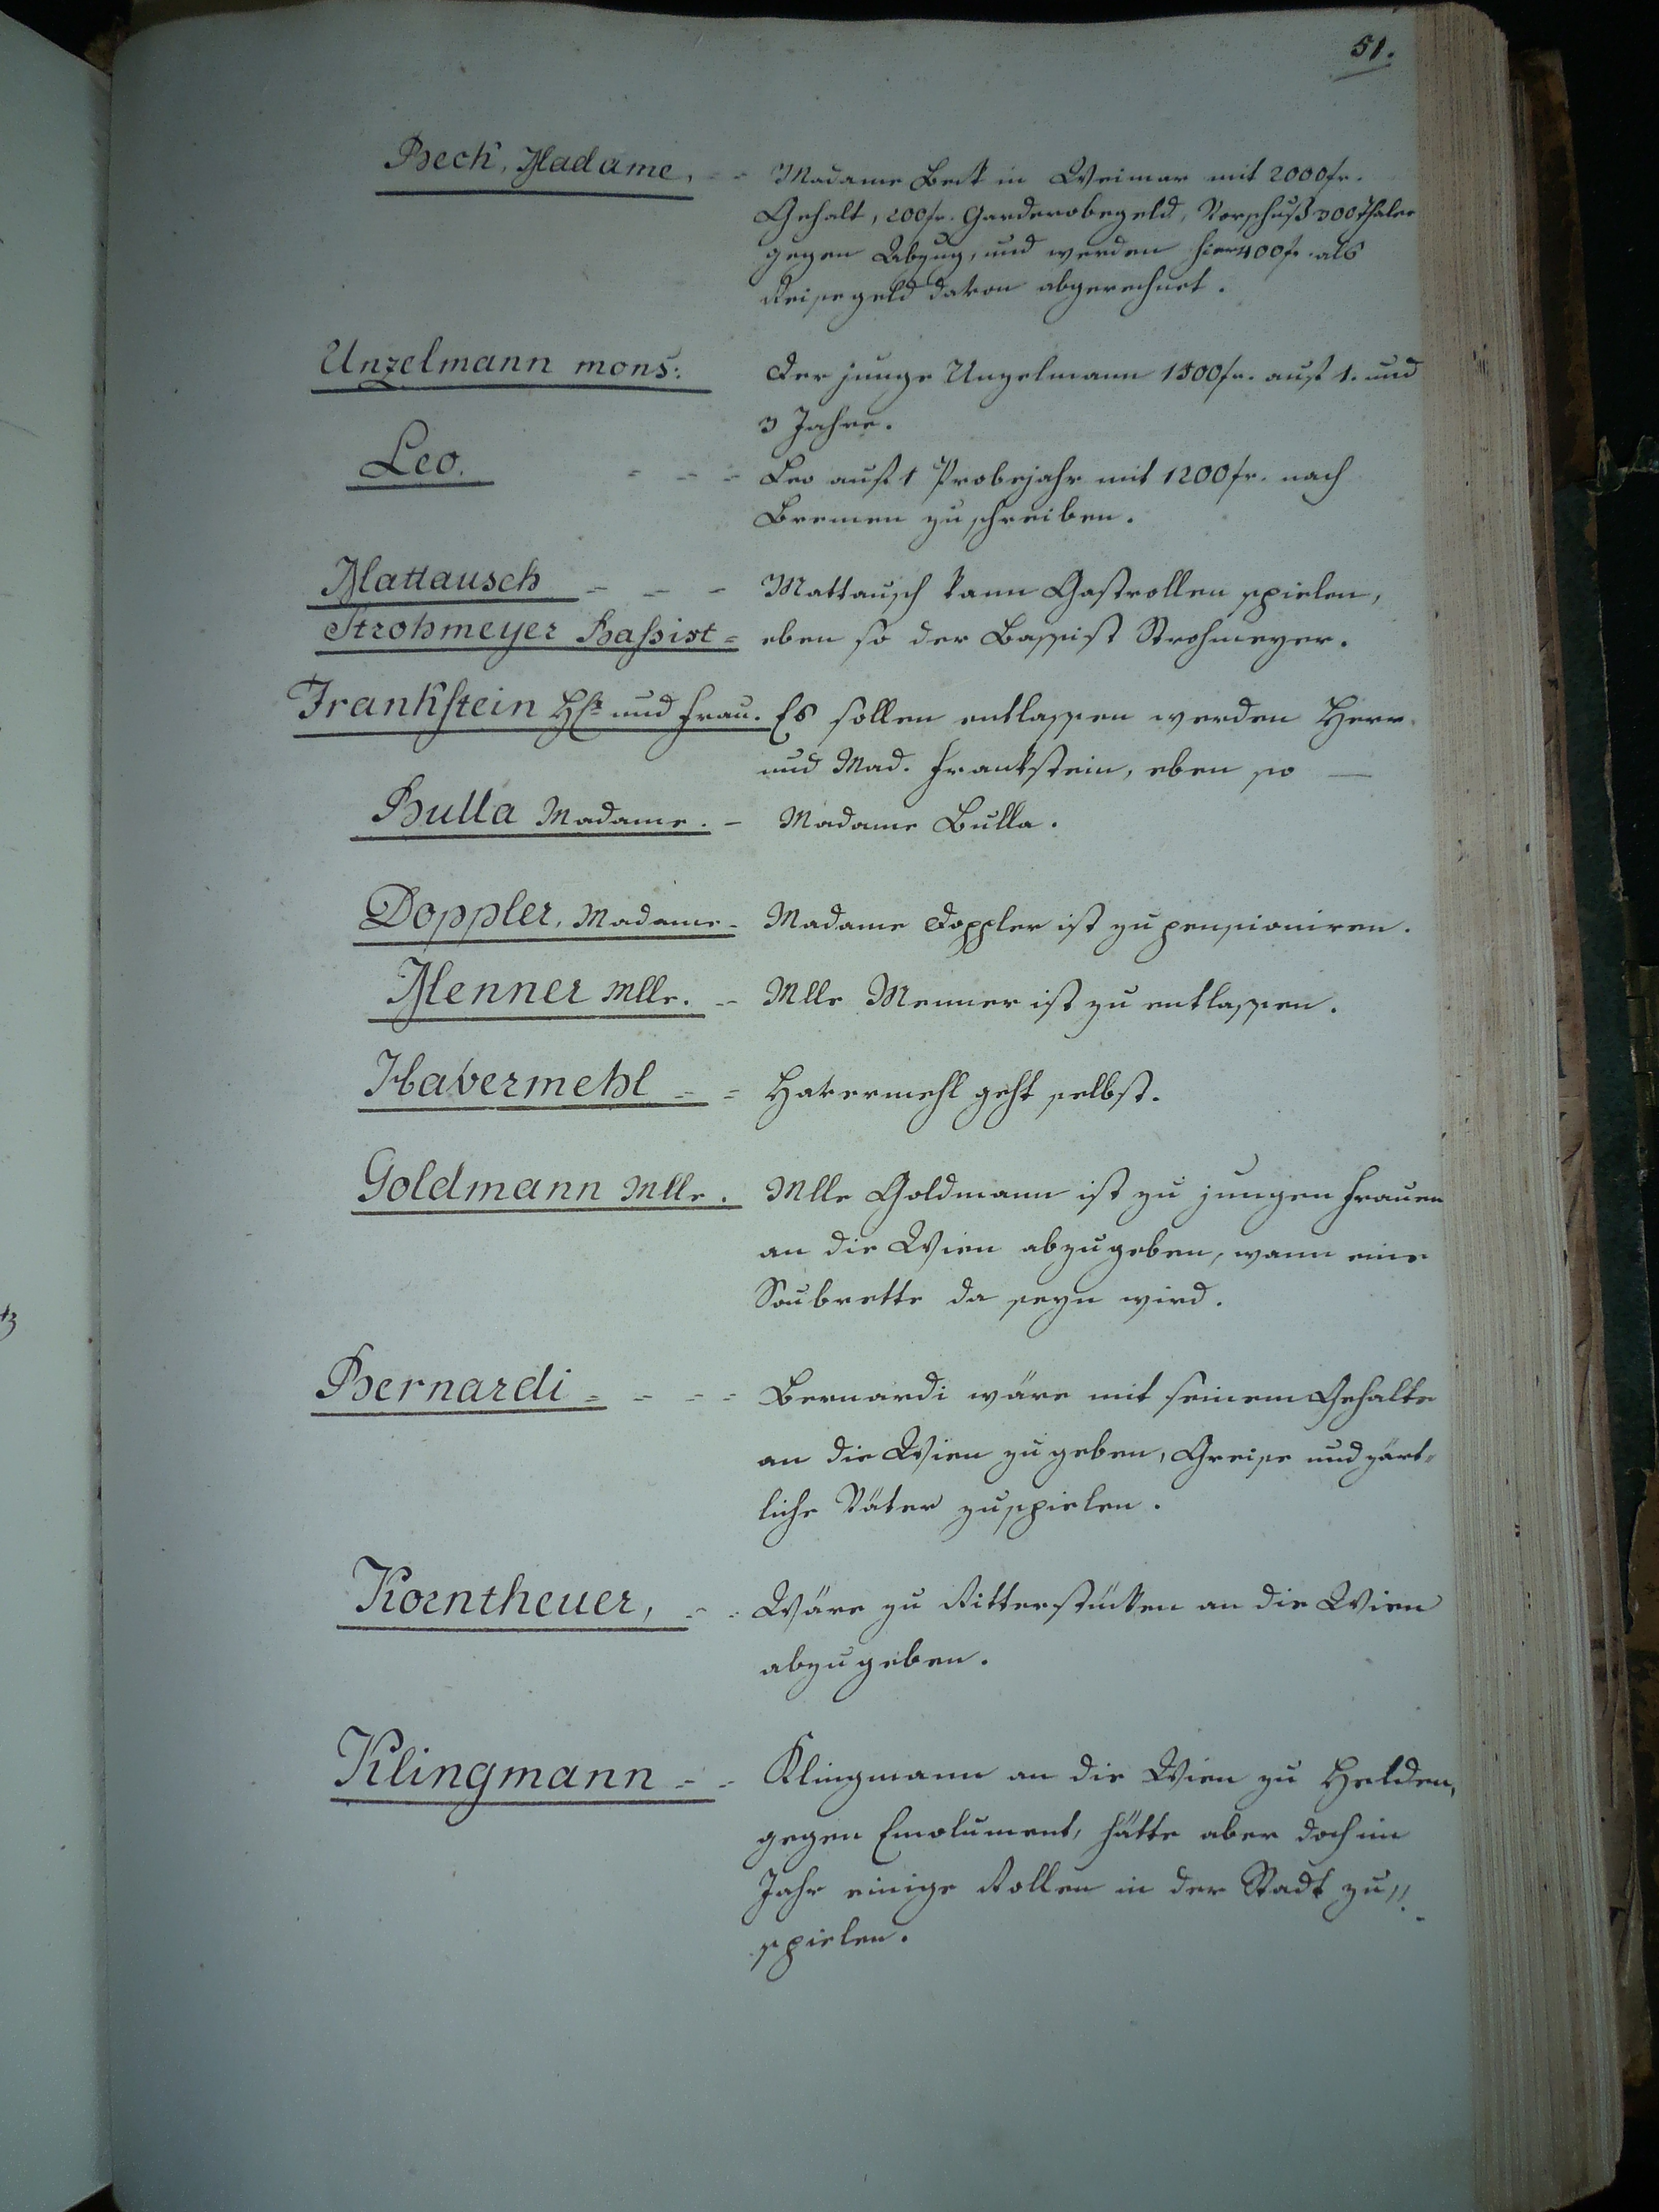51.
Beck, Madame, : : Madame Beck in Weimar mit 2000fr.
Gehalt, 200fr. Garderobegeld, Vorschuß 300 Thaler
gegen Abzug, und werden hier 400fr. als
Reisegeld davon abgerechnet.
Unzelmann mons: Der junge Unzelmann 1500fr. auf 1 und
3 Jahre.
Leo. : : : Leo auf 1 Probejahr mit 1200 fr. nach
Bremen zu schreiben.
Mattausch : : :
Strohmeyer Bassist ‗
Mattausch kann Gastrollen spielen,
eben so der Bassist Strohmeyer.
Frankstein HEr͇ und Frau.
Es sollen entlassen werden Herr
und Mad. Frankstein, eben so ____
Bulla Madame. -
Madame Bulla.
Doppler, Madame . Madame Doppler ist zu pensioniren.
Menner Mlle. : Mlle Menner ist zu entlassen.
Havermehl : : Havermehl geht selbst.
Goldmann Mlle. Mlle Goldmann ist zu jungen Frauen
an die Wien abzugeben, wann eine
Soubrette da seyn wird.
Bernardi : : : : Bernardi wäre mit seinem Gehalte
an die Wien zu geben, Greise und zärt¬
liche Väter zuspielen.
Korntheuer, : : Wäre zu Ritterstücken an die Wien
abzugeben.
Klingmann : : Klingmann an die Wien zu Helden,
gegen Emolument, hätte aber doch im
Jahr einige Rollen in der Stadt zu¬
spielen.